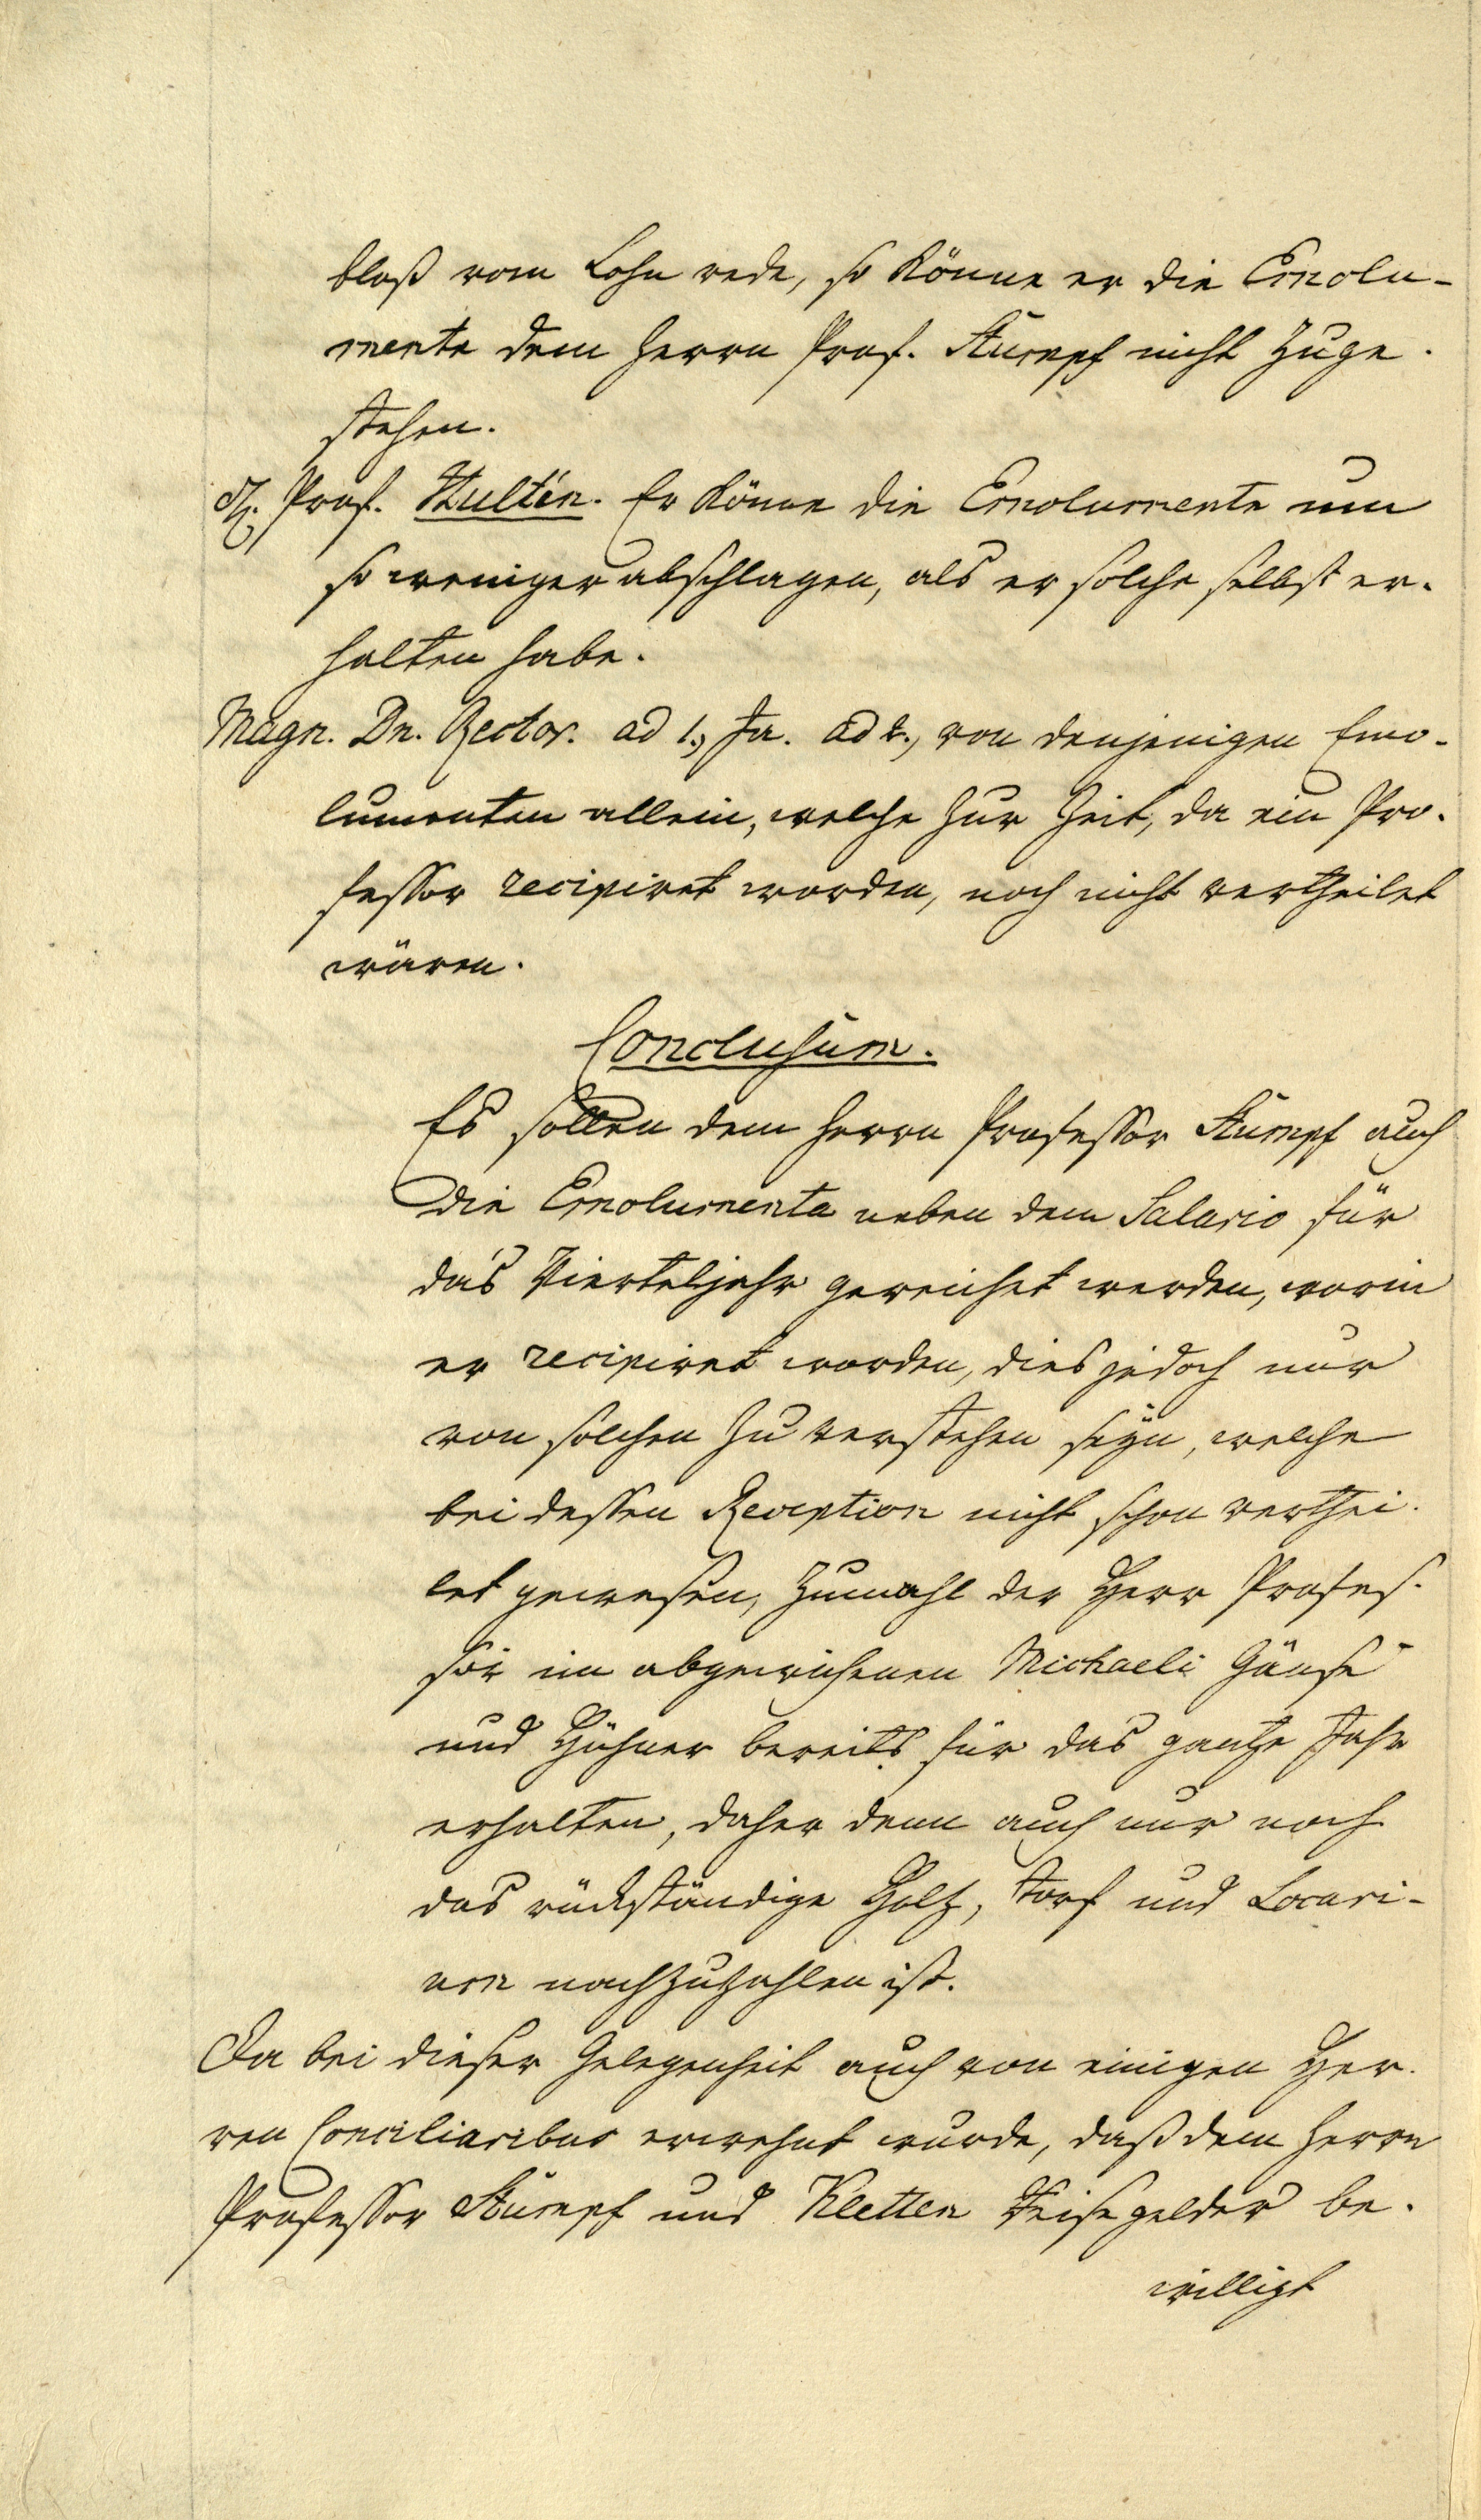bloß vom Lohn rede, so könne er die Emolu¬
mente dem Herrn Prof. Stumpf nicht zuge¬
stehen.
dh. Prof. Hultén. Er könne die Emolumente um
so weniger abschlagen, als er solche selbst er¬
halten habe.
Magn. Dn. Rector. ad 1., Ja. ad 2., von denjenigen Emo¬
lumenten allein, welche zur Zeit, da ein Pro¬
fessor recipiret worden, noch nicht vertheilet
wären.
Conclusum.
Es sollen dem Herrn Professor Stumpf auch
die Emolumenta neben dem Salario für
das Vierteljahr gereichet werden, worin
er recipiret worden, dies jedoch nur
von solchen zu verstehen seÿn, welche
bei dessen Reception nicht schon verthei¬
let gewesen, zumahl der Herr Profes¬
sor im abgewichenen Michaeli Gänse
und Hühner bereits für das gantze Jahr
erhalten, daher denn auch nur noch
das rückständige Holz, Torf und Locari¬
um nachzuzahlen ist.
Da bei dieser Gelegenheit auch von einigen Her¬
ren Conciliaribus erwehnt wurde, daß dem Herrn
Professor Stumpf und Kletten Reisegelder be¬
willigt